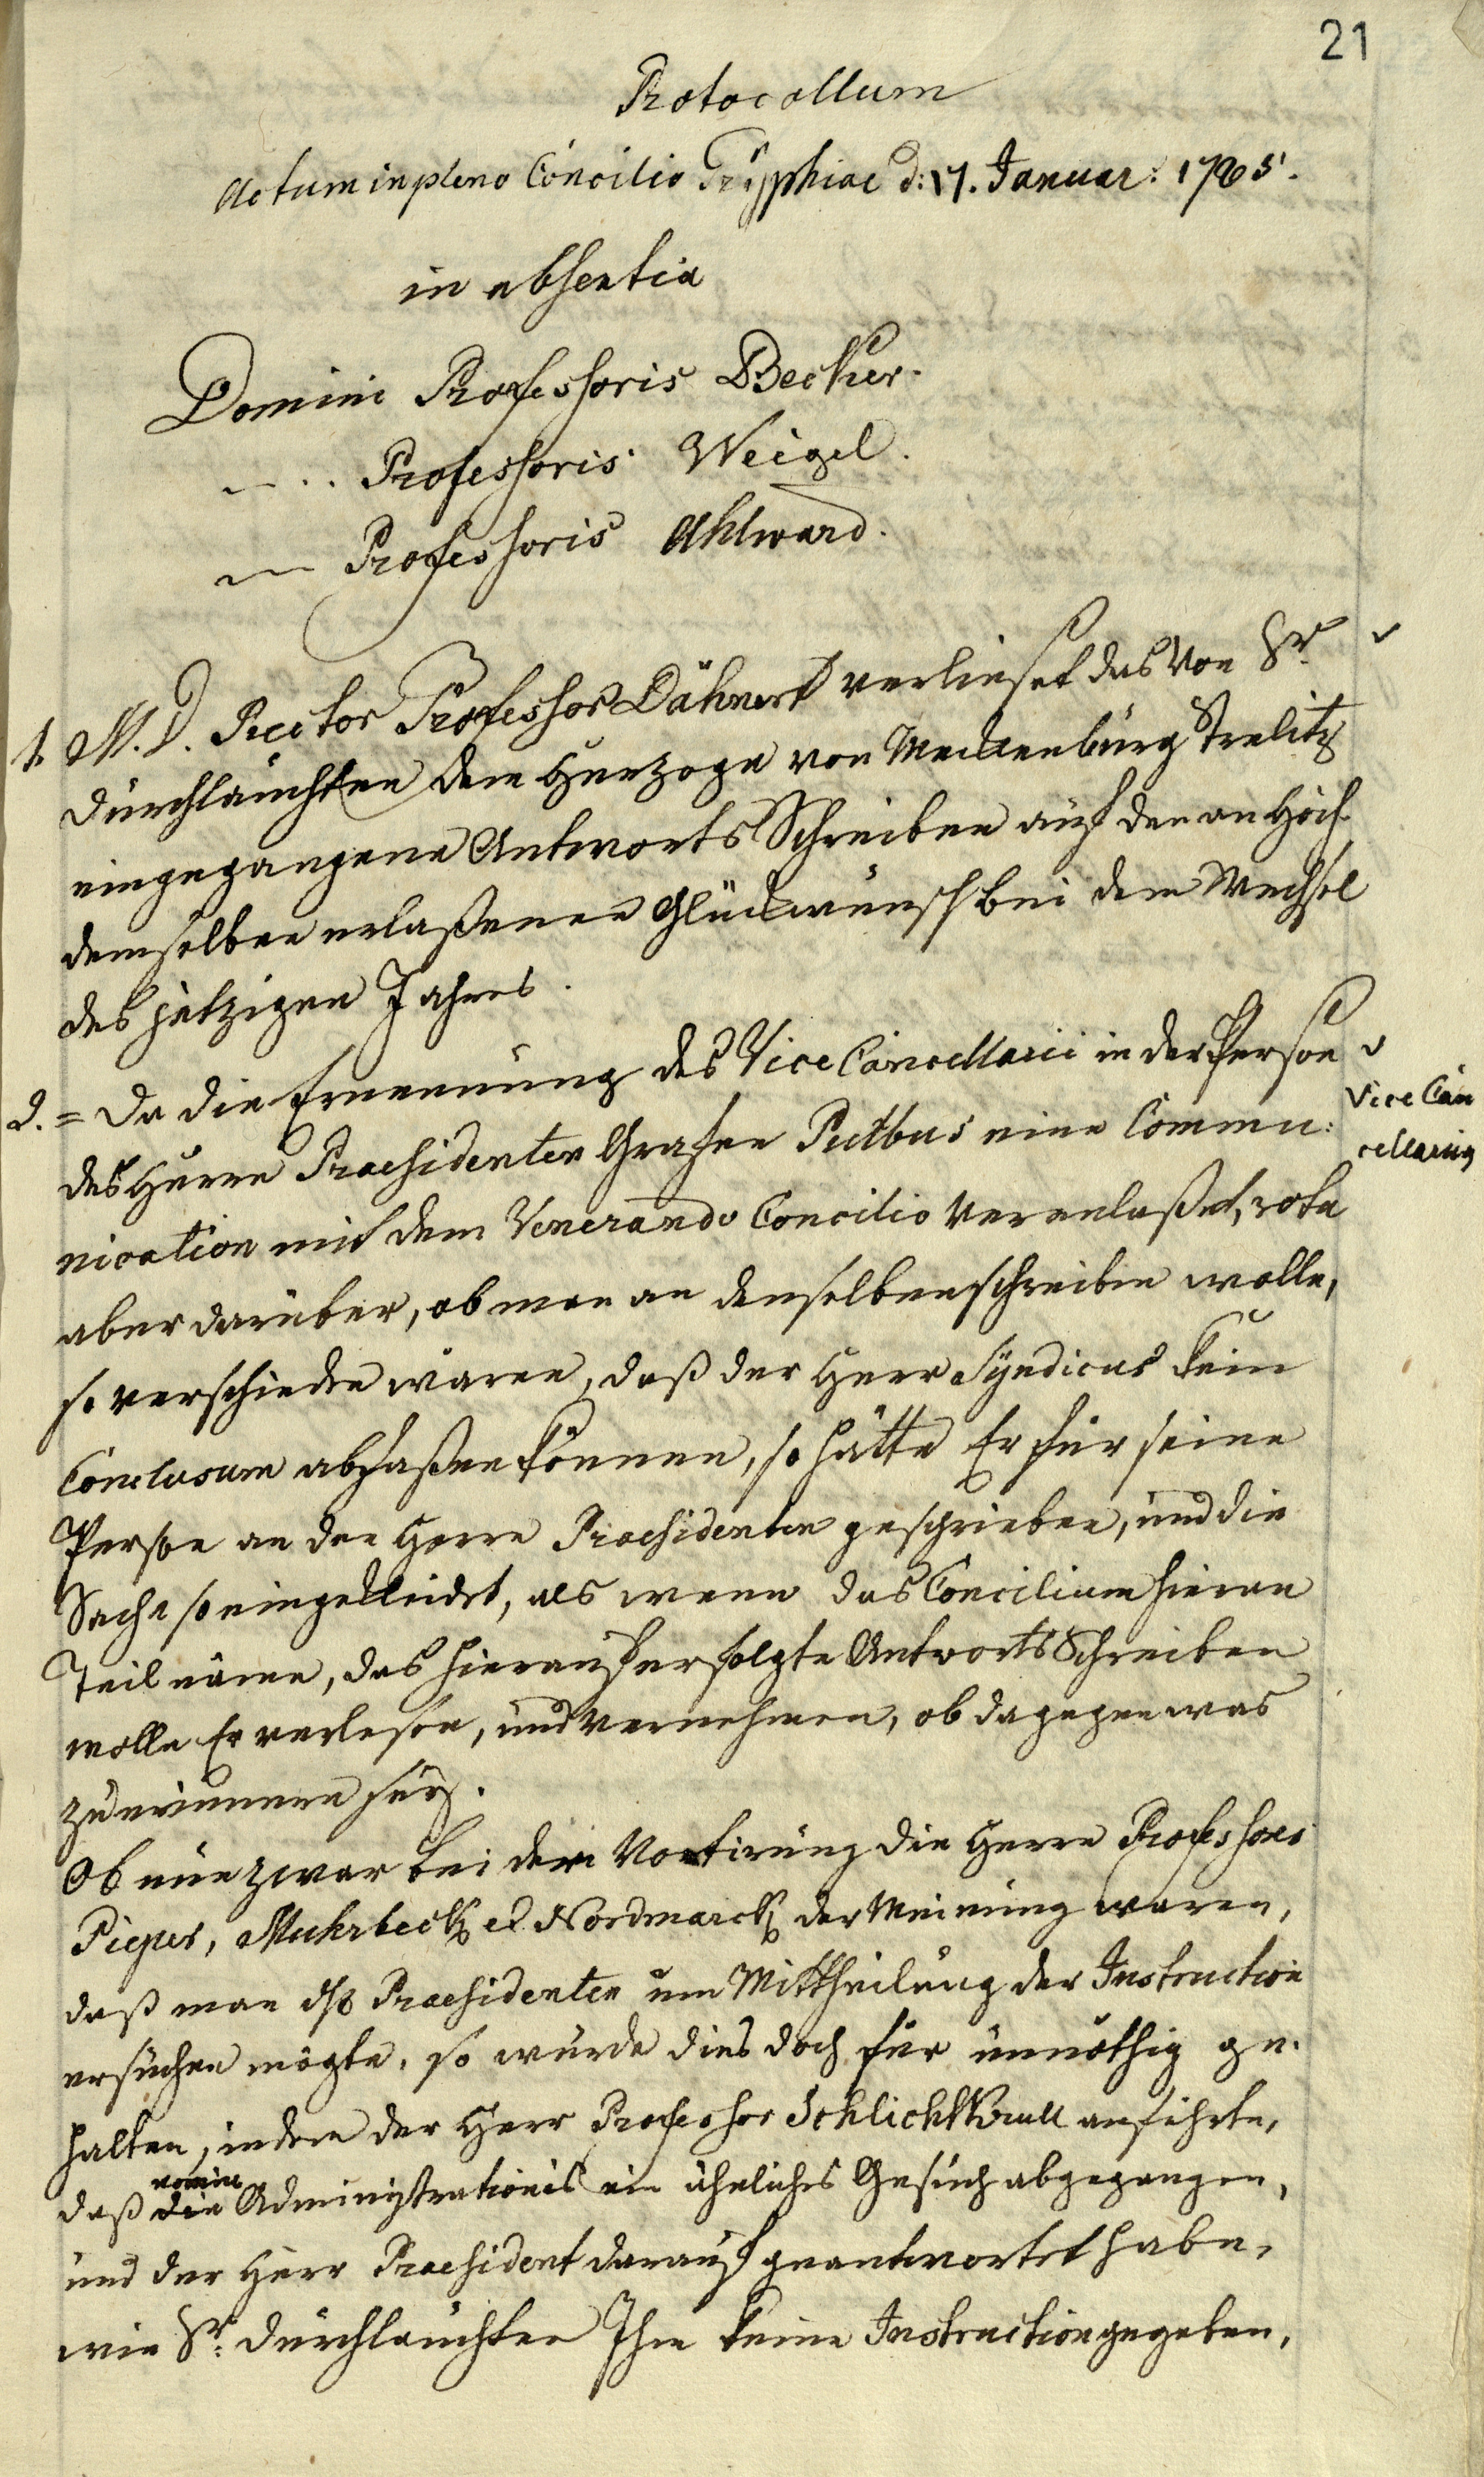Protocollum
Actum in pleno Concilio Grÿphiae d: 17. Januar 1785.
in absentia
Domini Professoris Becker.
Professoris Weigel.
Professoris Ahlward.
1. M. D. Rector Professor Dähnert verlieset das von Sr.
Durchlauchten dem Herzoge von Mecklenburg Strelitz
eingegangene Antworts Schreiben auf den an Hoch¬
demselben erlaßenen Glückwunsch bei dem Wechsel
des jetzigen Jahres.
2. Da die Ernennung des ViceCancellarii in der Person
des Herrn Praesidenten Grafen Putbus eine Commu¬
nication mit dem Venerando Concilio veranlasset, vota
aber darüber, ob man an denselbenschreiben wolle,
so verschieden wären, daß der Herr Sÿndicus kein
Conclusum abfaßen können, so hätte Er für seine
Person an den Herrn Praesidenten geschrieben, und die
Sache so eingekleidet, als wenn das Concilium hieran
Teil näme, das hierauferfolgte AntwortsSchreiben
wolle Er verlesen, und vernehmen, ob dagegen was
zu erinnern seÿ.
Ob nunzwar bei der Votirung die Herrn Professores
Piper, Muhrbeck et Nordmarck der Meinung waren,
daß man dh Praesidenten um Mittheilung der Instruction
ersuchen mögte, so würde dies doch für unnöthig ge¬
halten, indem der Herr Professor Schlichtkrull anführte,
daß nomine Administrationis ein ähnliches Gesuch abgegangen,
und der Herr Praesident darauf geantwortet habe,
wie Sr Durchlauchten Ihm keine Instruction gegeben,